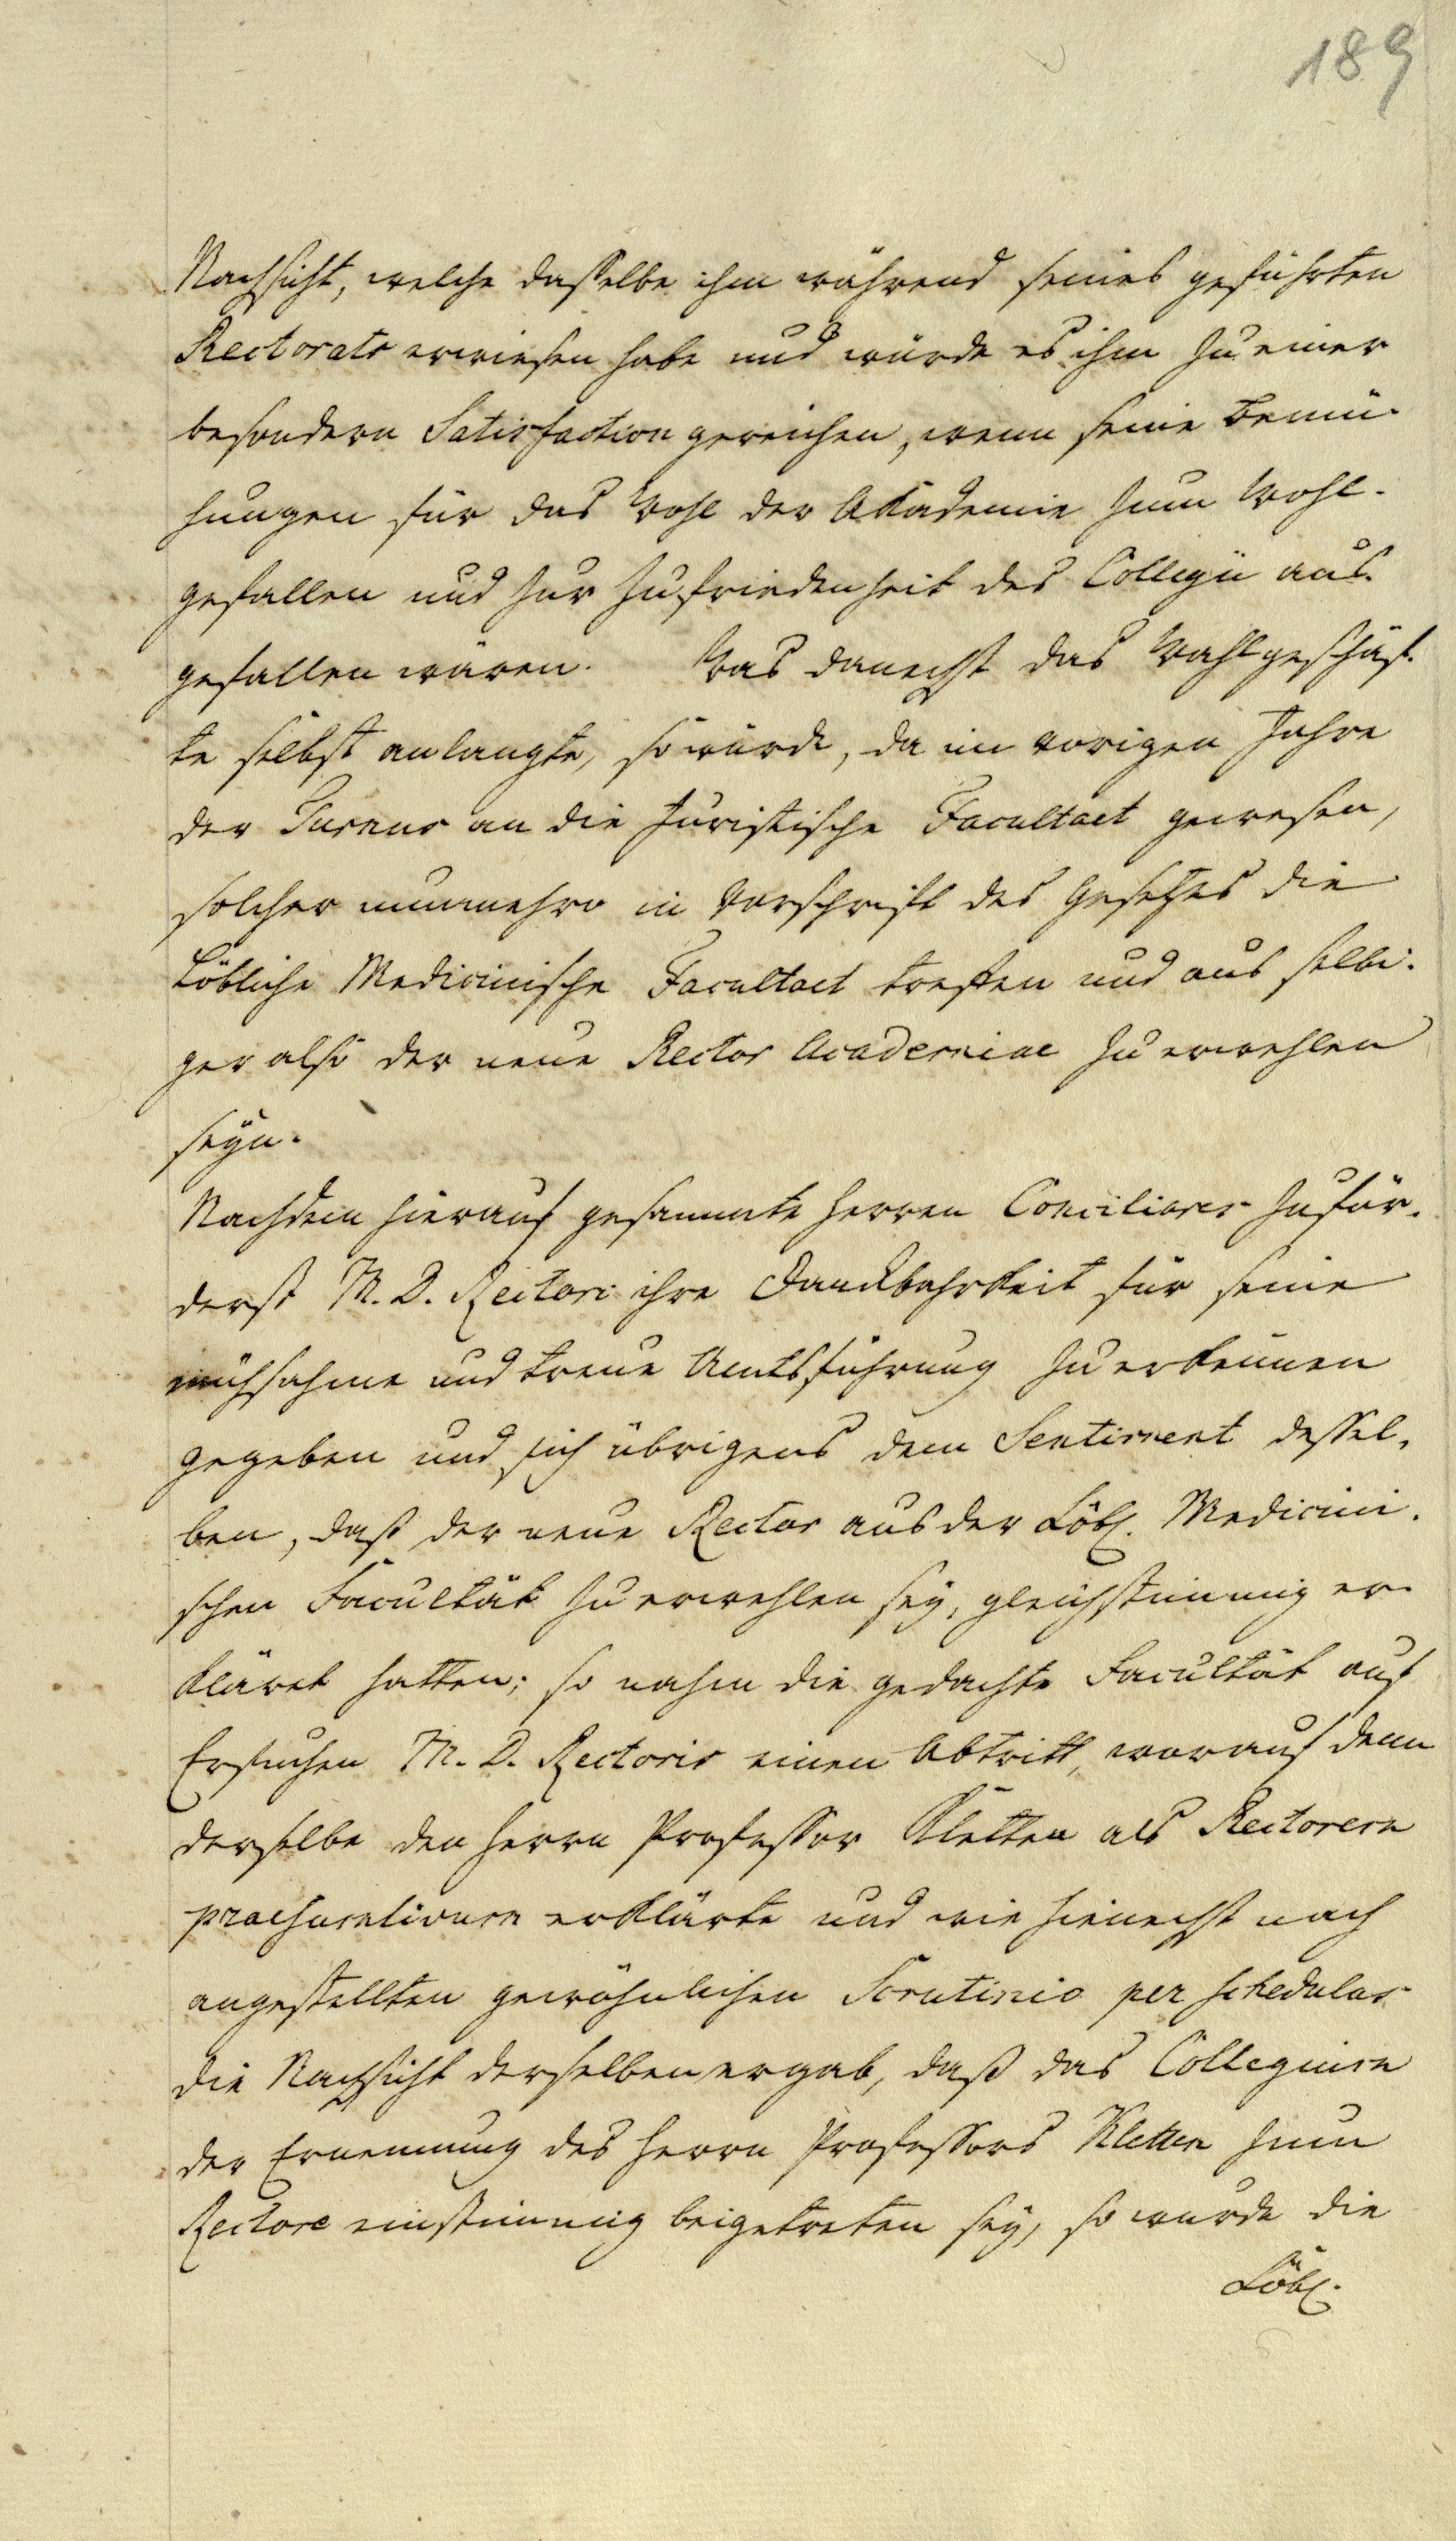Nachsicht, welche dasselbe ihm während seines geführten
Rectorats erwiesen habe und würde es ihm zu einer
besondern Satisfaction gereichen, wenn seine Bemü¬
hungen für das Wohl der Akademie zum Wohl¬
gefallen und zur Zufriedenheit des Collegii aus¬
gefallen wären. Was danechst das Wahlgeschäf¬
te selbst anlangte, so würde, da im vorigen Jahre
der Turnus an die Juristische Facultaet gewesen,
solcher nunmehro in Vorschrift des Gesetzes die
Löbliche Medicinische Facultaet treffen und aus selbi¬
ger also der neue Rector Academiae zu erwehlen
seÿn.
Nachdem hierauf gesammte Herren Conciliares zuför¬
derst M. D. Rectore ihre Danckbahrkeit für seine
mühsahme und treue Amtsführung zu erkennen
gegeben und sich übrigens dem Sentiment dessel¬
ben, daß der neue Rector aus der Löbl. Medicini¬
schen Facultät zu erwehlen seÿ, gleichstimmig er¬
kläret hatten; so nahm die gedachte Facultät auf
Ersuchen Sr. D. Rectoris einen Abtritt, worauf denn
derselbe den Herrn Professor Kletten als Rectorem
praesumtivum erklärte und wie hienechst nach
angestellten gewöhnlichen Scrutinio per schedulas
die Nachsicht derselben ergab, daß das Collegium
der Ernennung des Herrn Professors Kletten zum
Rectore einstimmig beigetreten seÿ, so wurde die
Löbl.